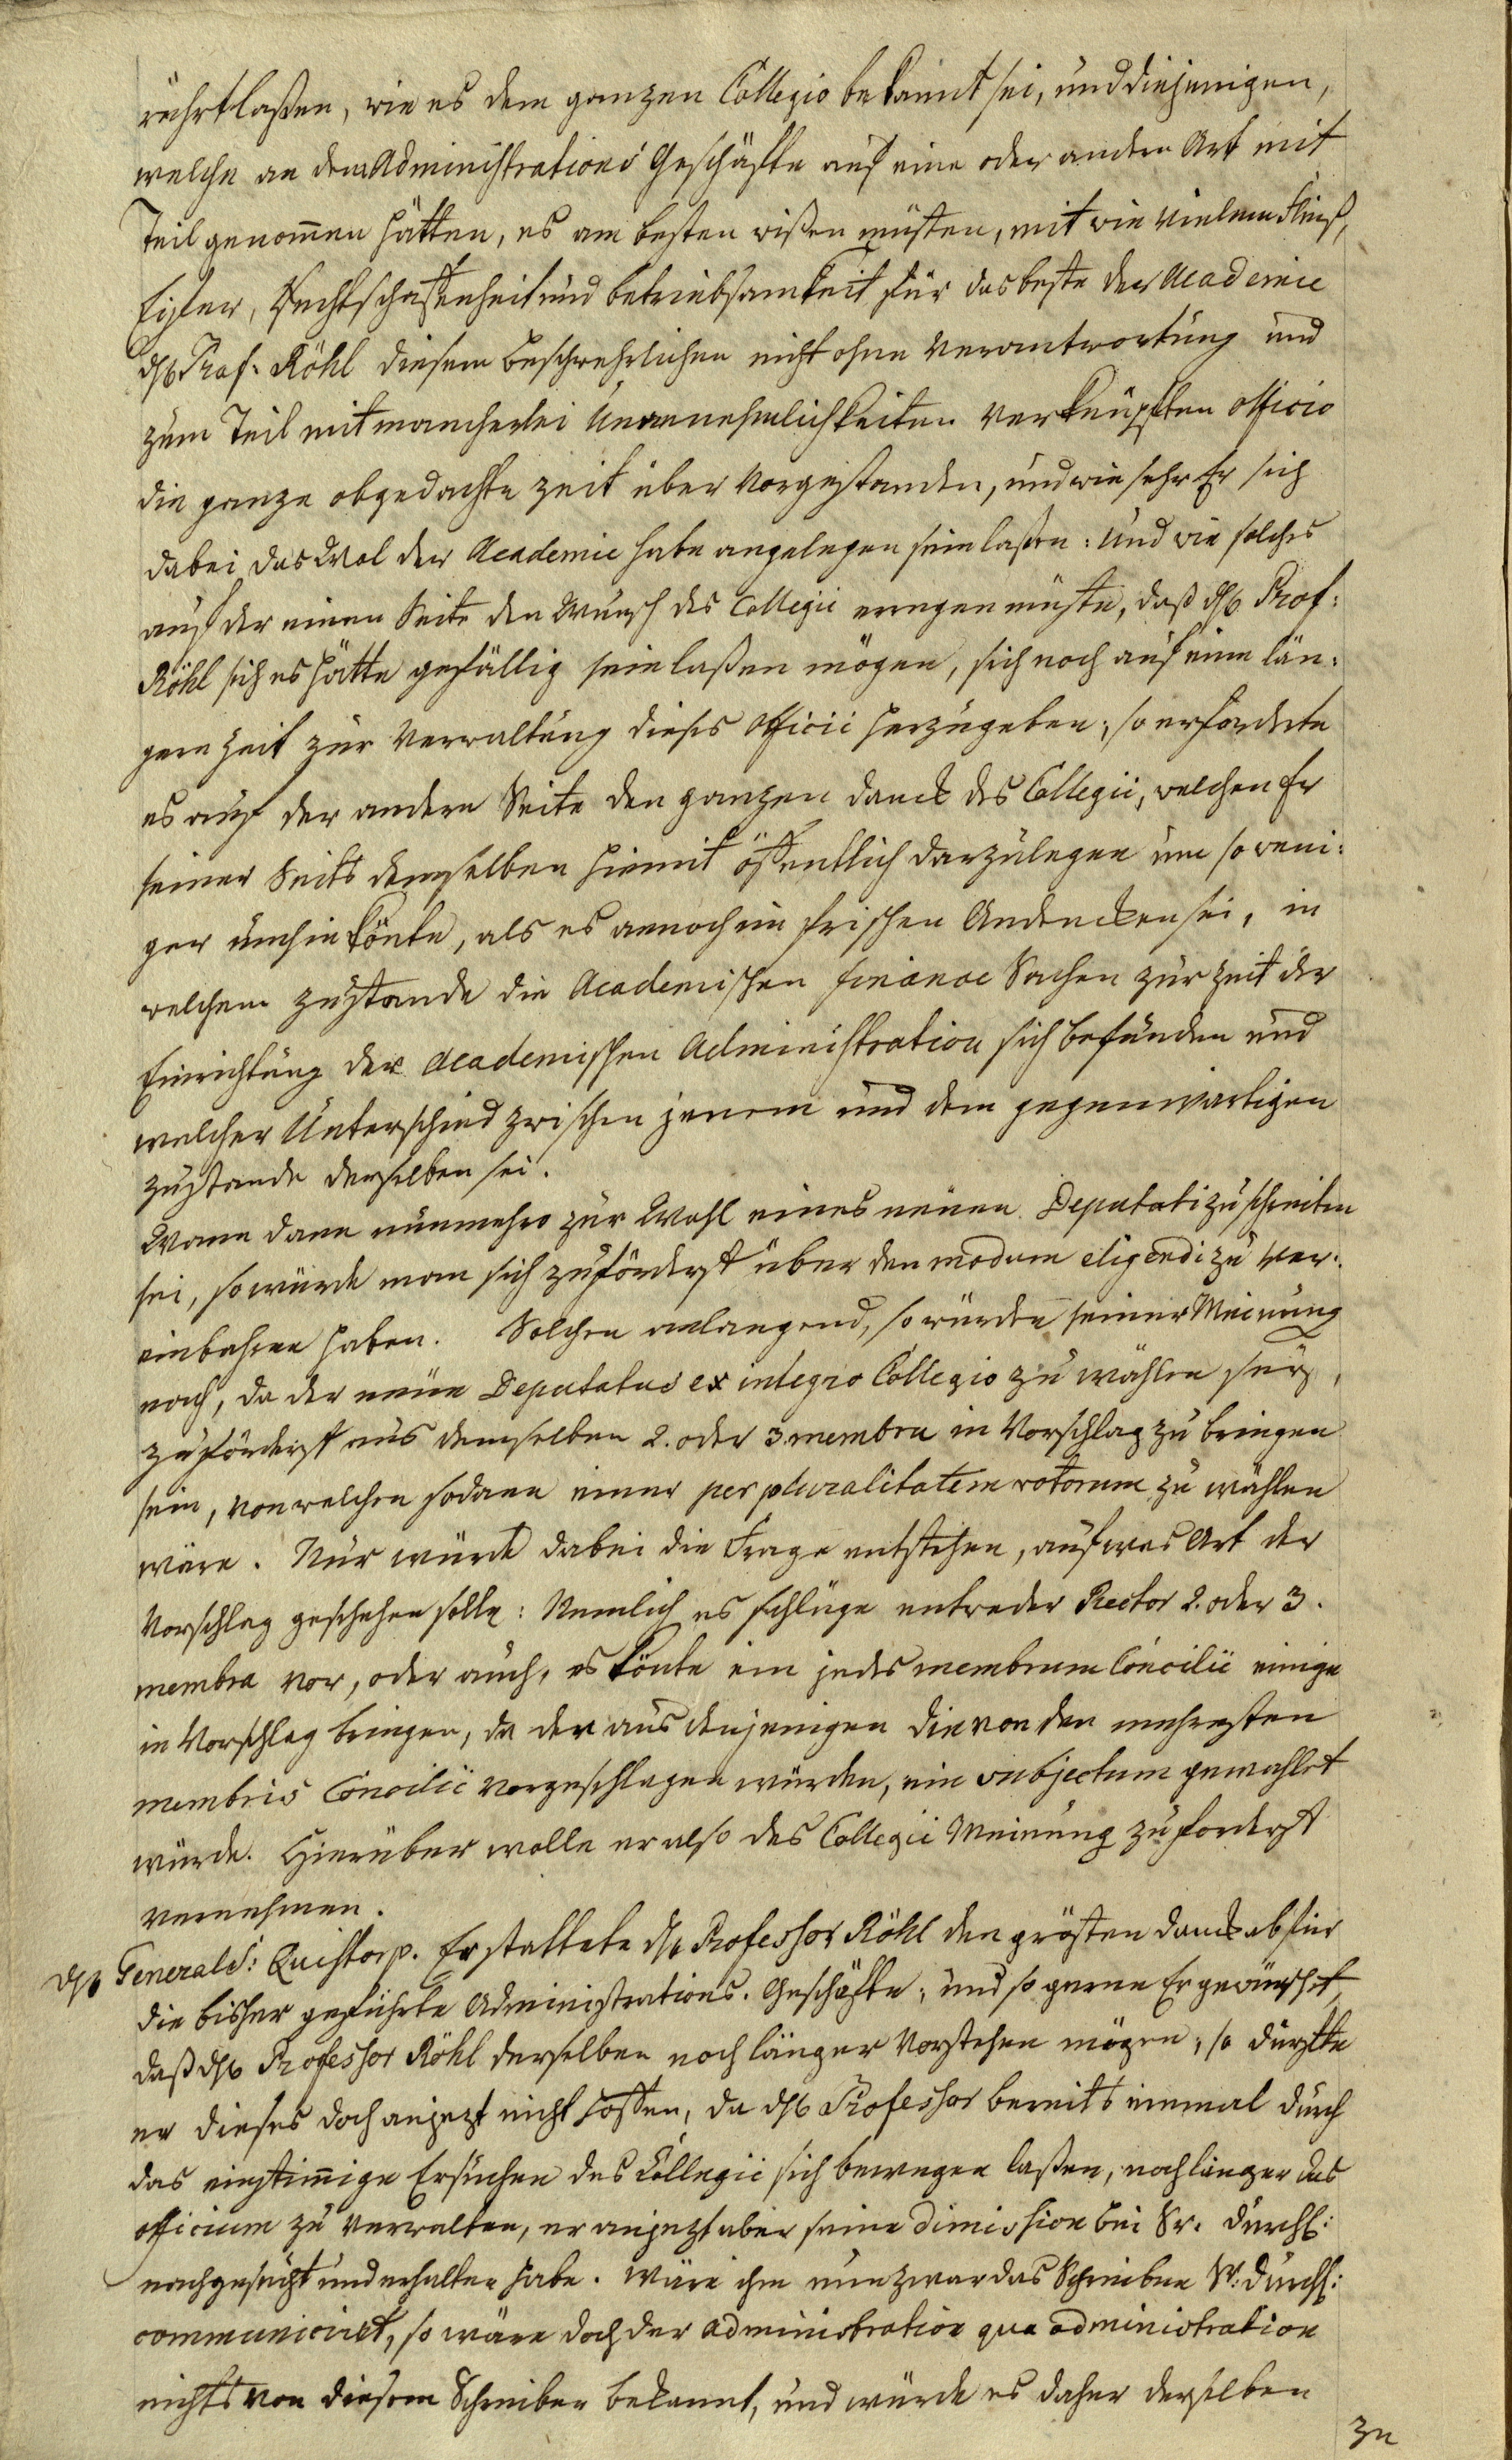rührt laßen, wie es dem ganzen Collegio bekannt sei, und diejenigen,
welche an dem Administrations Geschäfte auf eine oder andere Art mit
Teil genomen hätten, es am besten wißen müßten, mit wie vielem Fleiß
Eifer, Rechtschaffenheit und Betriebsamkeit für das beste der Academie
dh Prof. Röhl diesem beschwehrlichen nicht ohne Verantwortung und
zum Teil mit mancherlei Unannehmlichkeiten verknüpften officio
die ganze obgedachte Zeit über vorgestanden, und wie sehr Er sich
dabei das Wol der Academie habe angelegen sein laßen. Und wie solches
auf der einen Seite den Wunsch des Collegii erregen müßte, daß dh Prof.
Röhl sich es hätte gefällig sein laßen mögen, sich noch auf eine län¬
gere Zeit zur Verwaltung dieses officii herzugeben, so erforderte
es auf der andern Seite den ganzen Dank des Collegii, welchen Er
seiner Seits demselben hiemit öffentlich darzulegen um so weni¬
ger umhin könte, als es annoch im frischen Andenken sei, in
welchem Zustande die Academischen finance Sachen zur zeit der
Einrichtung der Academischen Administration sich befunden und
welcher Unterschied zwischen jenem und dem gegenwärtigen
Zustande derselben sei.
Wann dann nunmehro zur Wahl eines neuen Deputati zu schreiten
sei, so würde man sich zuförderst über den modum eligendi zu ver¬
einbahren haben. Solchen verlangend, so würde seiner Meinung
nach, da der neue Deputatus ex integro Collegio zu wählen seÿ,
zuförderst aus demselben 2. oder 3. membra in Vorschlag zu bringen
sein, von welchen sodann einer per pluralitatem votorum zu wählen
wäre. Nur würde dabei die Frage entstehen, auf was Art der
Vorschlag geschehen solle: Nemlich es schlüge entweder Rector 2. oder 3.
membra vor, oder auch, es könte ein jedes membrum Concilii einige
in Vorschlag bringen, da der aus denjenigen die von den mehrsten
membris Concilii vorgeschlagen würden, ein subjectum gewahlet
würde. Hierüber wolle er also des Collegii Meinung zuforderst
vernehmen.
dh GeneralS. Quistorp. Er stattete dh. Professor Röhl den größten Dank ab für
die bisher geführte Administrations Geschäfte, und so gerne Er gewünschet,
daß dh Professor Röhl derselben noch länger vorstehen mögen, so dürfte
er dieses doch anjezt nicht hoffen, da dh Professor bereits einmal durch
das einstimige Ersuchen des Collegii sich bewegen laßen, noch länger das
officium zu verwalten, er anjezt aber seine dimission bei Sr Durchl.
nachgesucht und erhalten habe. Wäre ihm nunzwar das Schreiben Sr Durchl.
communiciret, so wäre doch der Administration qua administration
nichts von diesem Schreiben bekannt, und würde es daher derselben
zu